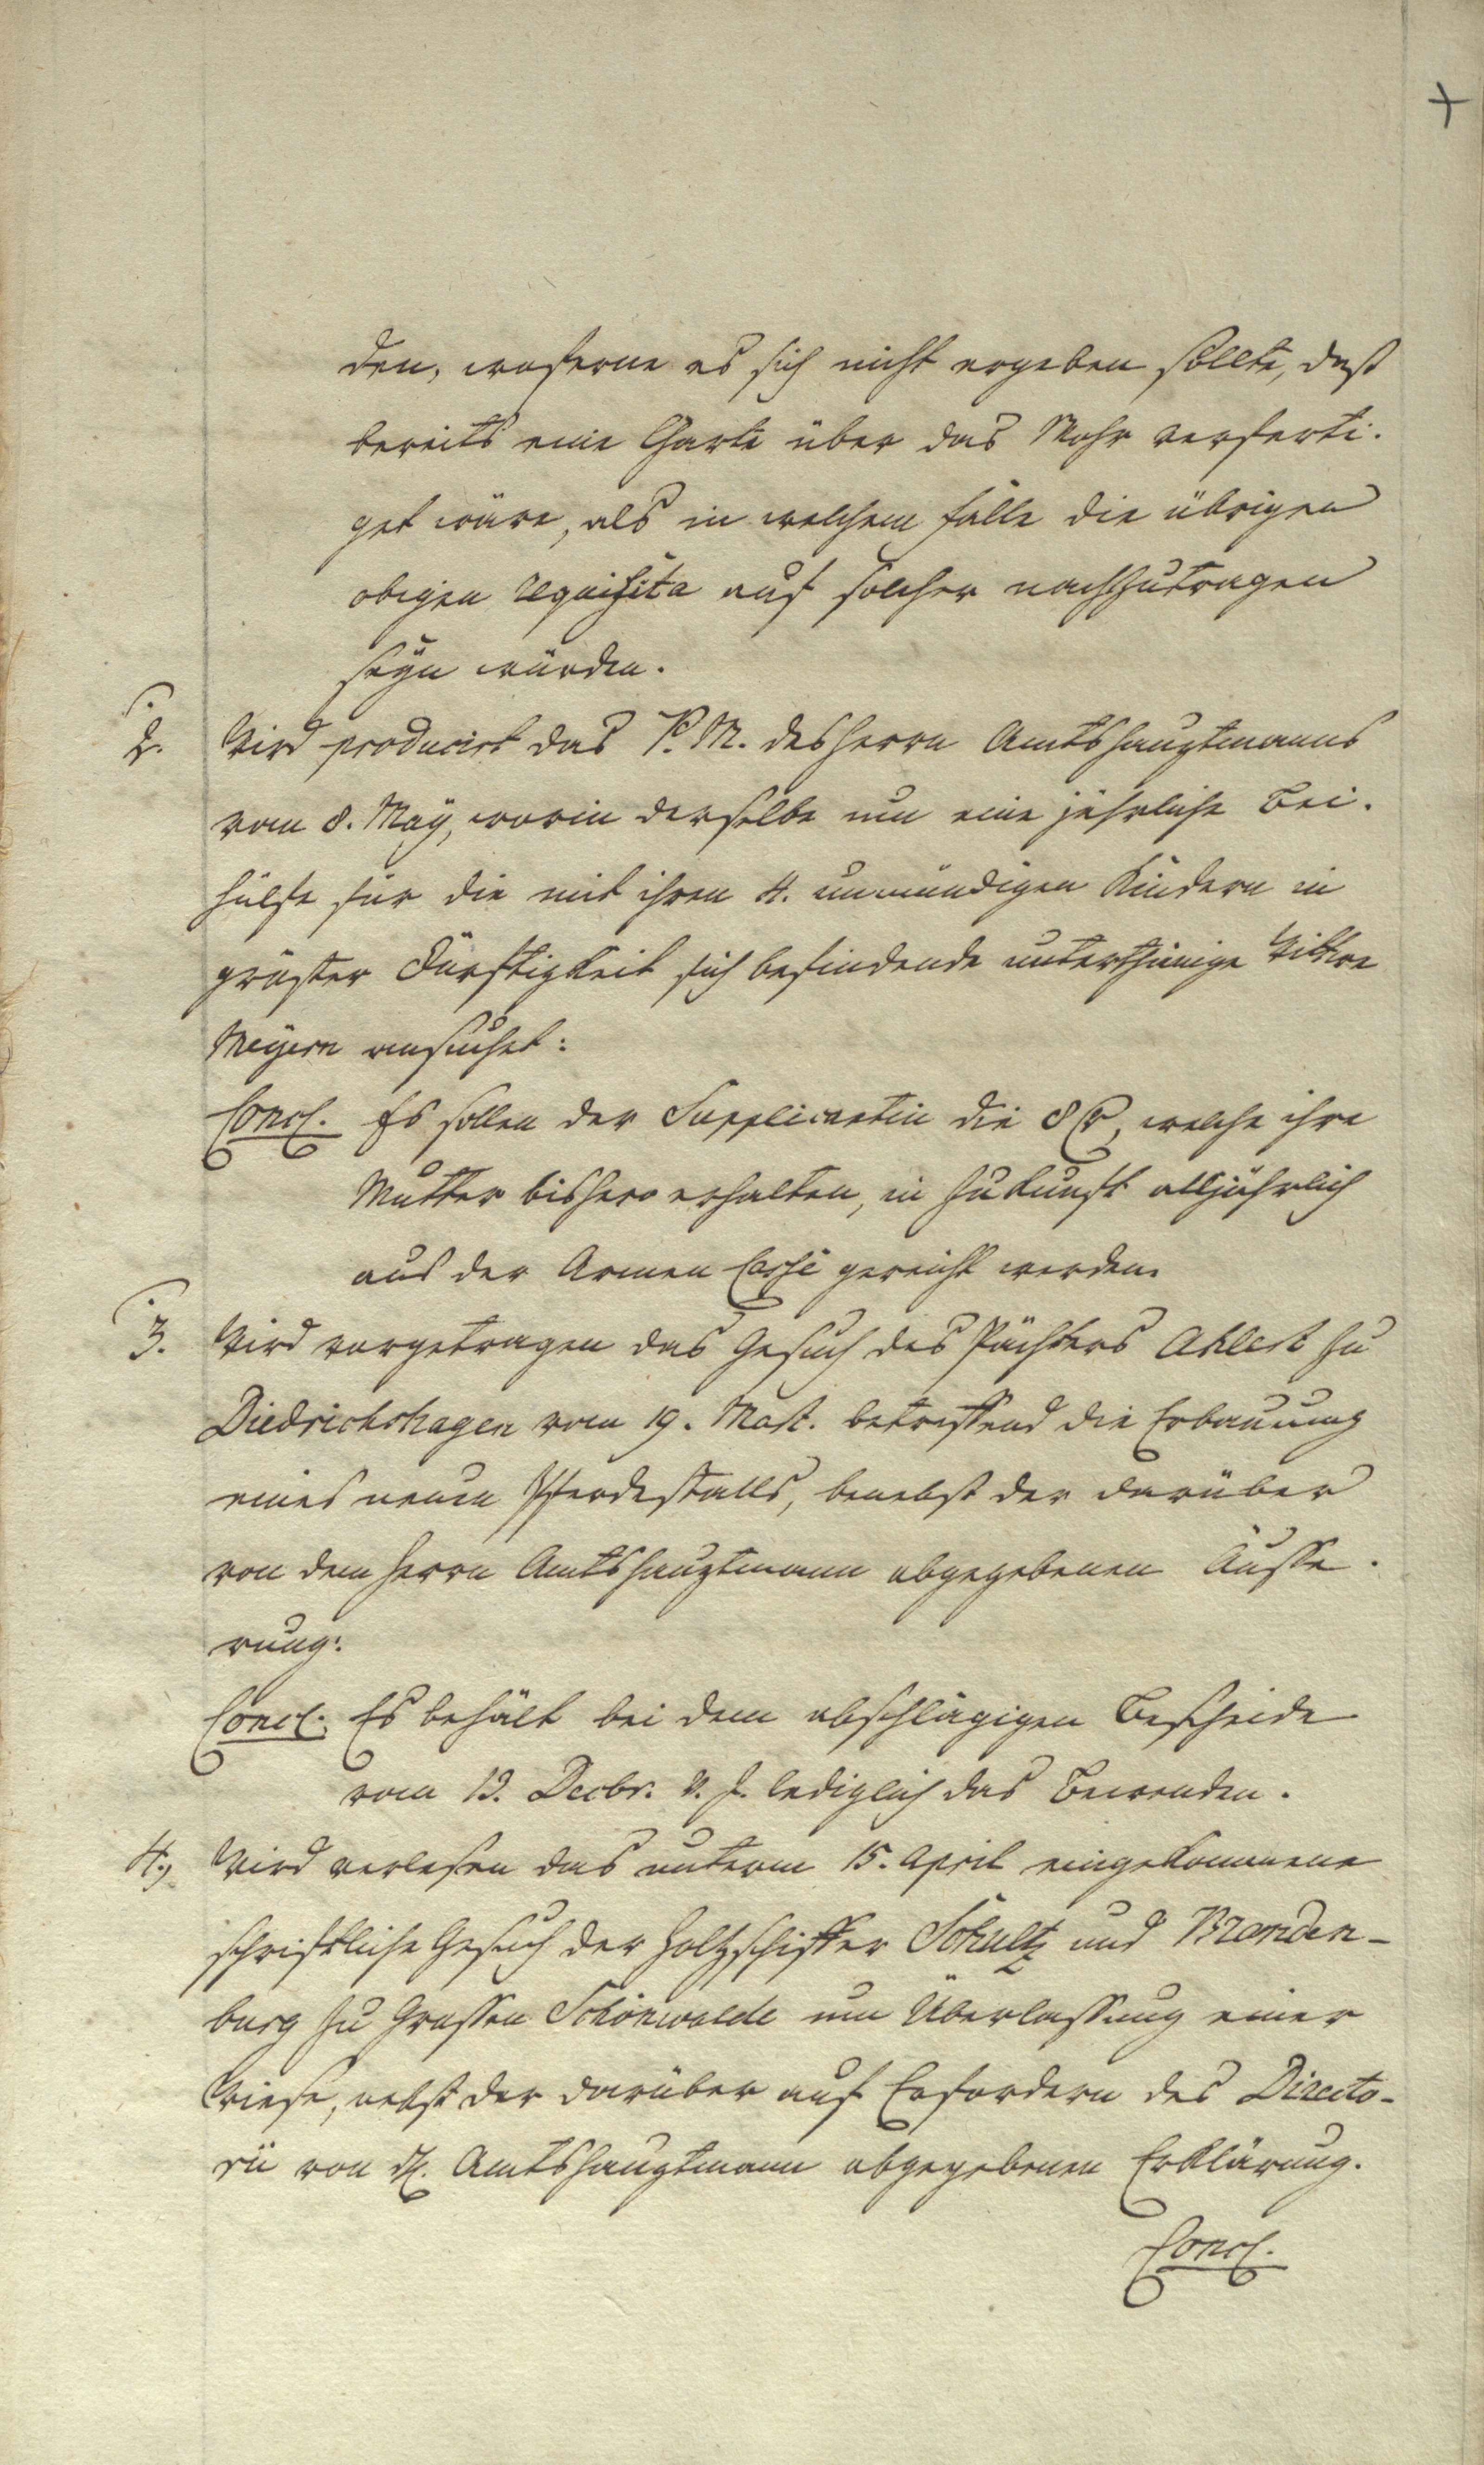den, woferne es sich nicht ergeben sollte, daß
bereits eine Charte über das Mohr verferti¬
get wäre, als in welchem Falle die übrigen
obigen requisita auf solcher nachzutragen
seyn würden.
2. Wird producirt das P. M. des Herrn Amtshauptmanns
vom 8. May, worin derselbe um eine jährliche Bei¬
hülfe für die mit ihren 4. unmündigen Kindern in
gröster Dürftigkeit sich befindende unterhänige Wittwe
Meyern ansuchet:
Concl. Es sollen der Supplicantin die 8 rtl., welche ihre
Mutter bishero erhalten, in Zukunft alljährlich
aus der Armen Casse gereicht werden.
3. Wird vorgetragen das Gesuch des Pächters Ahlert zu
Diedrichshagen vom 19. Mart. betreffend die Erbauung
eines neuen Pferdestalls, benebst der darüber
von dem Herrn Amtshauptmann abgegebenen Äusse¬
rung:
Concl. Es behält bei dem abschlägigen Bescheide
vom 13. Decbr. v. J. lediglich das Bewenden.
4., Wird verlesen das unterm 15. April eingekommene
schriftliche Gesuch der Holzschiffer Schultz und Branden¬
burg zu Grossen Schönwalde um Überlassung einer
Wiese, nebst der darüber auf Erfordern des Directo¬
rii von dh. Amtshauptmann abgegebenen Erklärung.
Concl.